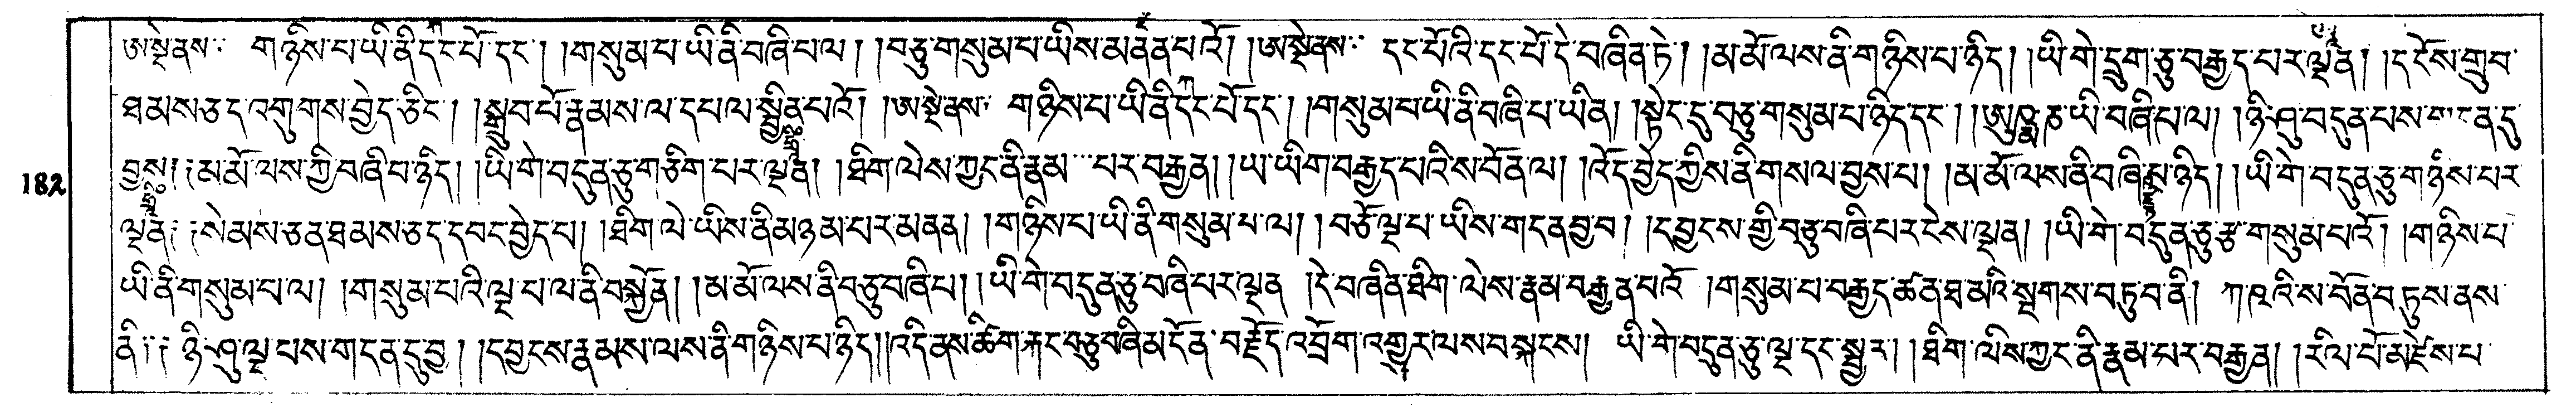ཨ་སྡེ་ནས༑  གཉིས་པ་ཡི་ནི་དང་པོ་དང་། །གསུམ་པ་ཡི་ནི་བཞི་པ་ལ། །བཅུ་གསུམ་པ་ཡིས་ཊྜྯ་མནན་པའོ། །ཨ་སྡེ་ནས༑ དང་པོའི་དང་པོ་དེ་བཞིན་ཏེ། །མ་མོ་ལས་ནི་གཉིས་པ་ཉིད། །ཡི་གེ་དྲུག་ཅུ་བརྒྱད་པར་ལྡན། །དངོས་གྲུབ་
ཐམས་ཅད་འགུགས་བྱེད་ཅིང་། །སྒྲུབ་པོ་རྣམས་ལ་དཔལ་སྦྱིན་པའོ། །ཨ་སྡེ་ནས༑ གཉིས་པ་ཡི་ནི་དང་པོ་དང་། །གསུམ་པ་ཡི་ནི་བཞི་པ་ཡིན། །སྟེང་དུ་བཅུ་གསུམ་པ་ཉིད་དང་། །ཨུཥྨ་ཎ་ཡི་བཞི་པ་ལ། །ཉི་ཤུ་བདུན་པས་གདན་དུ་
བྱས༑ ༑མ་མོ་ལས་ཀྱི་བཞི་བ་ཉིད། །ཡི་གེ་བདུན་ཅུ་གཅིག་པར་ལྔ་ན། །ཐིག་ལེས་ཀྱང་ནི་རྣམ་པར་བརྒྱན། །ཡ་ཡིག་བརྒྱད་པའི་ས་བོན་ལ། །འོད་བྱེད་ཀྱིས་ནི་གསལ་བྱས་པ། །མ་མོ་ལས་ནི་བཞི་པ་ཉིད། །ཡི་གེ་བདུན་ཅུ་གཉིས་པར་
ལྡན༑ ༑སེམས་ཅན་ཐམས་ཅད་དབང་བྱེད་པ། །ཐིག་ལེ་ཡིས་ནི་མཉམ་པར་མནན། །གཉིས་པ་ཡི་ནི་གསུམ་པ་ལ། །བཅོ་ལྔ་པ་ཡིས་གདན་བྱ་བ། །དབྱངས་ཀྱི་བཅུ་བཞི་པར་ངེས་ལྡན། །ཡི་གེ་བདུན་ཅུ་རྩ་གསུམ་པའོ། །གཉིས་པ་
ཡི་ནི་གསུམ་པ་ལ། །གསུམ་པའི་ལྔ་པ་ལ་ནི་བསྐྱོན། །མ་མོ་ལས་ནི་བཅུ་བཞི་པ། །ཡི་གེ་བདུན་ཅུ་བཞི་པར་ལྡན། །དེ་བཞིན་ཐིག་ལེས་རྣམ་བརྒྱན་པའོ། །གསུམ་པ་བརྒྱད་ཚན་ཐ་མའི་སྔགས་བཏུབ་ནི། ཀ་ཥའི་ས་བོན་བཏུས་ནས་
ནི༑ ༑ཉི་ཤུ་ལྔ་པས་གདན་དུ་བྱ། །དབྱངས་རྣམས་ལས་ནི་གཉིས་པ་ཉིད། །འདི་ནས་ཚིག་རྐང་བཅུ་བཞི་མངོན་བརྗོད་འབྲོག་འགྱུར་ལས་བསྐངས། ཡི་གེ་བདུན་ཅུ་ལྔ་དང་སྦྱར། །ཐིག་ལིས་ཀྱང་ནི་རྣམ་པར་བརྒྱན། །རིལ་པོ་མཛེས་པ་